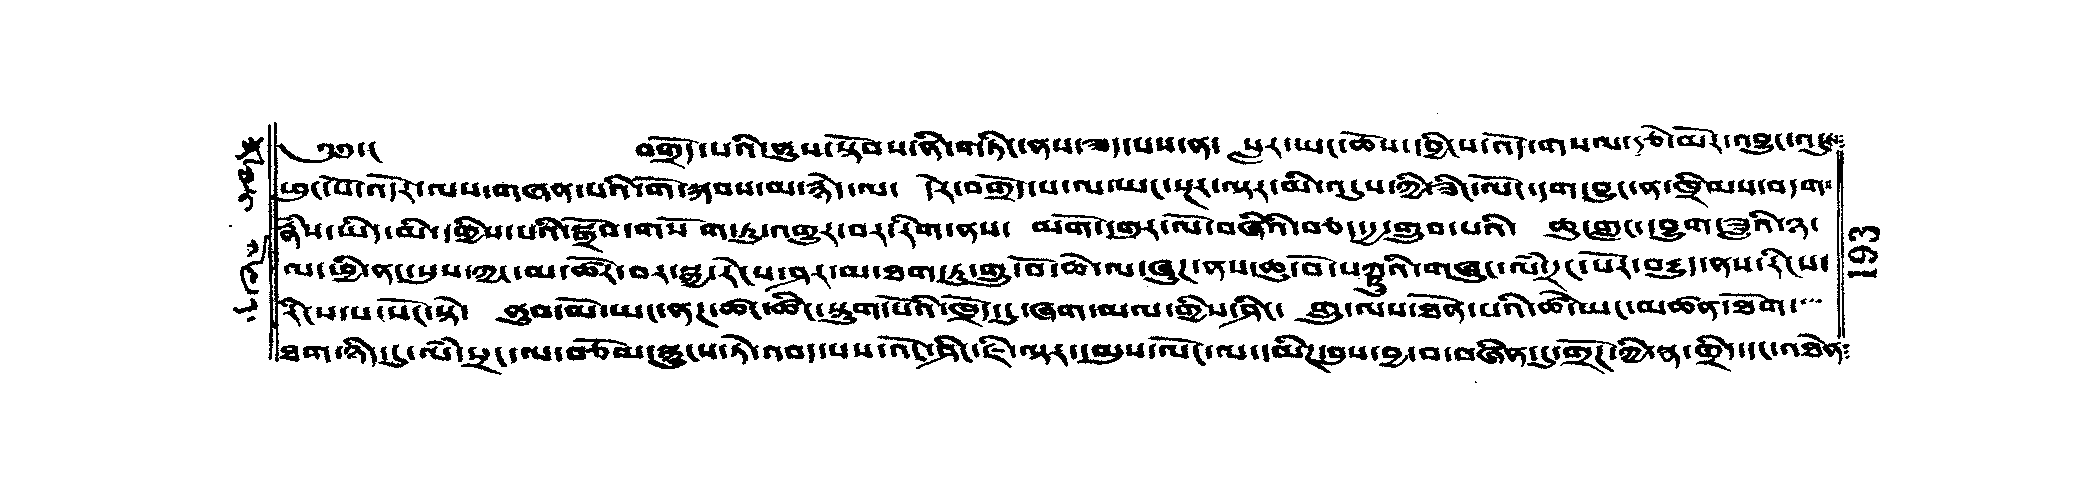བགྲོད་པའི་ནུས་སྟོབས་ནི་གཏིང་ནས་ཟད་པས་ན། སླར་ཡང་ཆོས་དབྱིངས་འོད་གསལ་རྩེ་མོར་འབྱུང་འདུས་
ཕུང་པོ་འདོར་བ་ལས་གཞན་པའི་གོ་སྐབས་མ་རྙེད་ལ། དེར་བསྒྲོད་པ་ལ་ཡང་སྔར་ལྟར་མི་འདུས་ཀྱི་ཟིང་ལོང་དག་བྱུང་ན་ཁྲིམས་བདག་
རྣམས་ཡིད་མི་དགྱེས་པའི་སྒྲིབ་གསོག་ཏུ་འགྱུར་བར་རིག་ནས། མགོ་དགུར་ལོ་བཞིའི་བཅད་རྒྱ་གྲུབ་པའི་ཆུ་གླང་དབྱུག་ཟླའི་ཉ་
ལ་ཕྱི་ནང་སུས་ཀྱང་མ་ཚོར་བར་སྐྱ་རེངས་ཤར་མ་ཐག་ཏུ་གྲུ་བོ་ཆེ་ལ་ཞུགས་ནས་ཆུ་བོ་པཀྵུའི་གཞུང་ལམ་དྲང་པོར་བརྒྱུད་ནས་རིངས་
རིངས་པར་སོང་སྟེ།ནུབ་མོ་ཡང་ནགས་ཚང་ཚིང་སྟུག་པོའི་ཁྲོད་དུ་ཞག་མལ་བགྱིས་ཤིང་། གྲུ་ལས་ཐོན་པའི་ཚེ་ཡང་མཚན་ཐོག་
ཐག་ཉིད་དུ་ལམ་སྲང་ལ་བཅོམ་སྐྱུངས་ཏེ་འབད་པས་འོང་ཤིངས་ཇི་ལྟར་དམུས་ལོང་ལ་དམིགས་བུས་བྱ་བ་བཞིན་དུ་གྲོགས་ཀྱི་སྣ་ཁྲིད་དང་འཐེན་